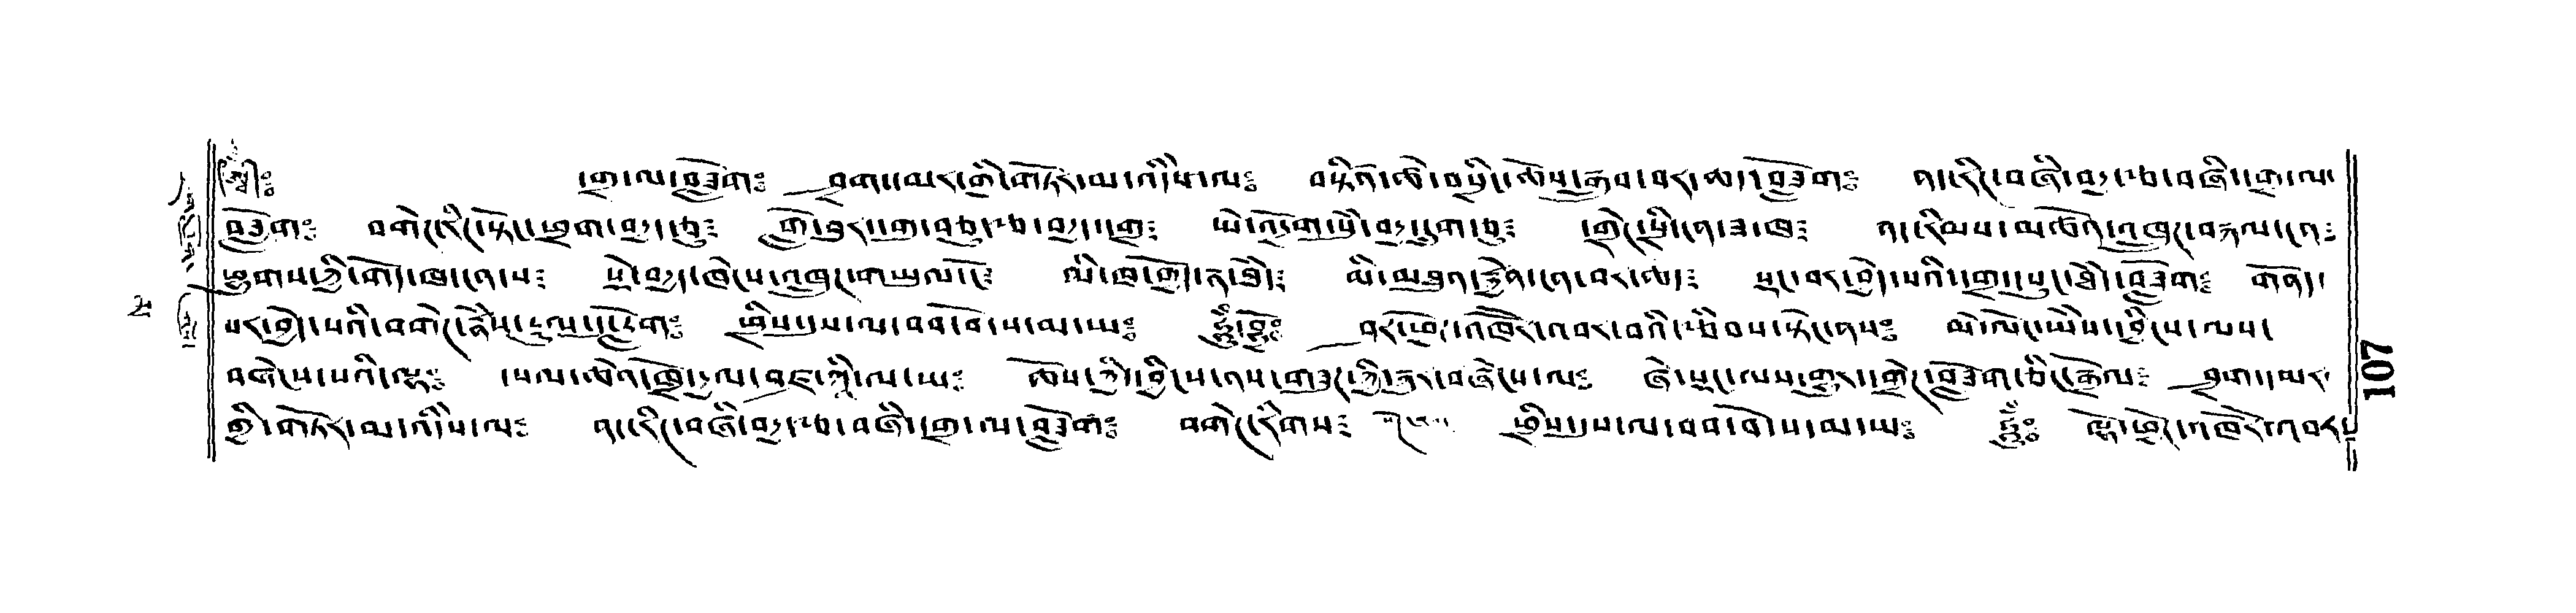དགྲ་ལ་བཟློག༔ ཤ་ཁྲག་དམར་གྱི་གཏོར་མ་འདི་བཞེས་ལ༔ བསྟན་འཛིན་ཚེ་བསྲིང་ཆོས་སྒྲུབ་བར་ཆད་བཟློག༔ ནད་རིགས་བཞི་བརྒྱ་རྩ་བཞི་དགྲ་ལ་
བཟློག༔ བགེགས་རིགས་སྟོང་ཕྲག་བརྒྱད་ཅུ༴ གློ་བུར་དགུ་བཅུ་རྩ་བརྒྱད༴ ཡེ་འདྲོག་སུམ་བརྒྱ་དྲུག་ཅུ༴ དགྲ་བགེགས་སྲི་ངན་ཟ་ཁ༴ ནད་རིམས་མཚོན་འཁྲུགས་བསྐལ་ངན༴ 
ཕྱུགས་ཀྱི་གོད་ཁ་ངན་པ༴ སྡེ་བརྒྱད་ཁེངས་འཁྲུགས་གཡུལ་ངོ༴ མི་ཁ་གྱོད་སྣ་ཐམས་ཅད༴ མི་མཐུན་རྐྱེན་ངན་བར་ཆད༴ སྡང་བར་བྱེད་པའི་དགྲ་དཔུང་ཐམས་ཅད་བཟློག༔ གནོད་
པར་བྱེད་པའི་བགེགས་རྣམས་རྡུལ་དུ་རློག༔ ཕྲིན་ལས་དུས་ལ་བབ་བོ་ས་མ་ཡ༔ ཧཱུྃ་བྷྱོ༔ ཤར་ཕྱོགས་འཁོར་ལོ་འབར་བའི་རྩིབས་སྟེང་ནས༔ མེ་ལོང་ཡེ་ཤེས་དབྱིངས་ལས་
བཞེངས་པའི་ལྷ༔ དཔལ་ཆེན་ཁྲོ་རྒྱལ་བཛྲ་ཀཱི་ལ་ཡ༔ ཆོས་ཀྱི་དབྱིངས་ནས་གཟུགས་ཀྱི་སྐུར་བཞེངས་ལ༔ ཞེ་སྡང་ལས་གྱུར་དགྲ་བགེགས་བཟློག་ཅིང་སྒྲོལ༔ ཤ་ཁྲག་དམར་
གྱི་གཏོར་མ་འདི་བཞེས་ལ༔ ནད་རིགས་བཞི་བརྒྱ་རྩ་བཞི་དགྲ་ལ་བཟློག༔ བགེགས་རིགས་སོགས་ནས༔ ཕྲིན་ལས་དུས་ལ་བབ་བོ་ས་མ་ཡ༔ ཧཱུྃ༔ ལྷོ་ཕྱོགས་འཁོར་ལོ༴